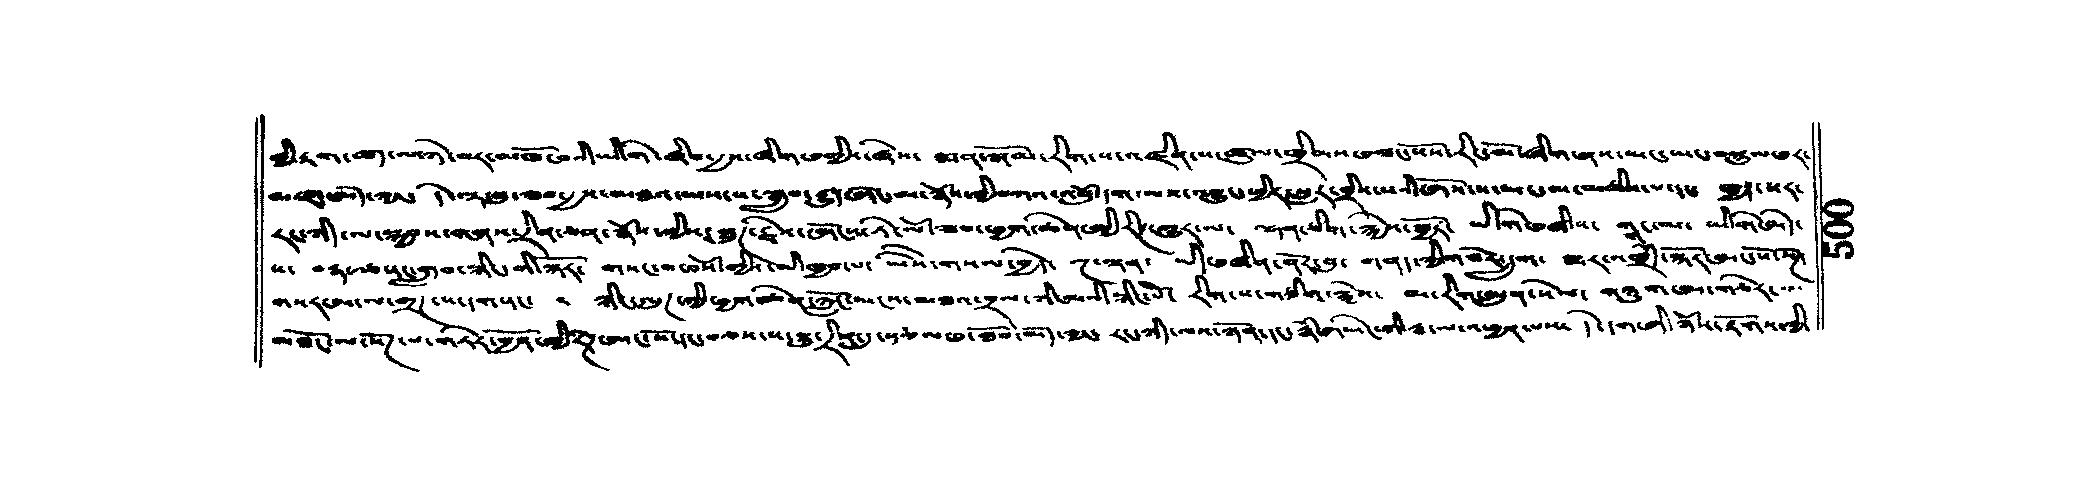གྱི་རྟགས་ཚད་ལ་ཉེ་བར་མཁོ་བའི་ཡི་གེ་ཞིབ་རྒྱས་ཞིག་བགྱིས་ཞེས། སྨན་སྒོམ་རིག་པ་འཛིན་པ་ཚུལ་ཁྲིམས་བཟང་པོས་རིང་མོ་ཞིག་ནས་ཡང་ཡང་བསྐུལ་བར་མཛད་
མོད་ཀྱང་། དེ་ལྟ་བུ་ཟབ་རྒྱས་མཐའ་ཡས་པ་སྒྲུབ་རྒྱུད་གོང་མ་རྣམས་ཀྱི་བཀའ་འབུམ་དག་ལས་འབྱུང་ཕྱིར་སླར་བྲིས་པའི་དགོས་པ་ཡང་མ་མཆིས་པ་དང་། ཁྱད་པར་
རང་ཉིད་ལ་སྐྱབས་གནས་དྲིན་ཅན་རྣམས་ཀྱིས་ཐུགས་རྗེས་དགོངས་ཏེ་ལམ་ཟབ་ཕྱག་ཆེན་གྱི་རིགས་གྱུར་ལ། ལྷན་ཅིག་སྐྱེས་སྦྱོར། ཡི་གེ་བཞི་པ། གངྒ་མ། ཡི་གེ་མེད་
པ། བརྡ་རྩ་དང་གྲུབ་སྙིང་གི་སྐོར། གསང་བ་བསམ་གྱིས་མི་ཁྱབ་པ། ཡེ་ཤེས་གསལ་བྱེད། ལྔ་ལྡན། ཡིད་བཞིན་ནོར་བུ། གནད་ཀྱི་གཟེར་དྲུག དམར་འཁྲིད་སྐོར་མང་པོ་སོགས་
གསར་མ་ལ་གྲགས་པ་དག་དང་། རྙིང་ལུགས་ཀྱི་ཕྱག་ཆེན་ཀློང་ཡངས་མཐའ་བྲལ་ཉི་མའི་སྙིང་པོ། རིག་པ་གཅིག་སྐྱེས། མ་རིག་མུན་སེལ། གཉུག་མ་གཅེར་མཐོང་ལ་
སོགས་པ་གཏེར་བྱོན་གྱི་རིགས་མང་པོ་དང་བཅས་པ་སྐུ་དྲིན་དུ་བསྩལ་བ་ཐོབ་མོད་ཀྱང་། རང་ཉིད་ལས་ཉོན་དང་རྣམ་གཡེང་གི་རྦ་ལ་འཕྱན་པས། དེ་དག་གི་ཉམས་རྟོགས་ཀྱི་